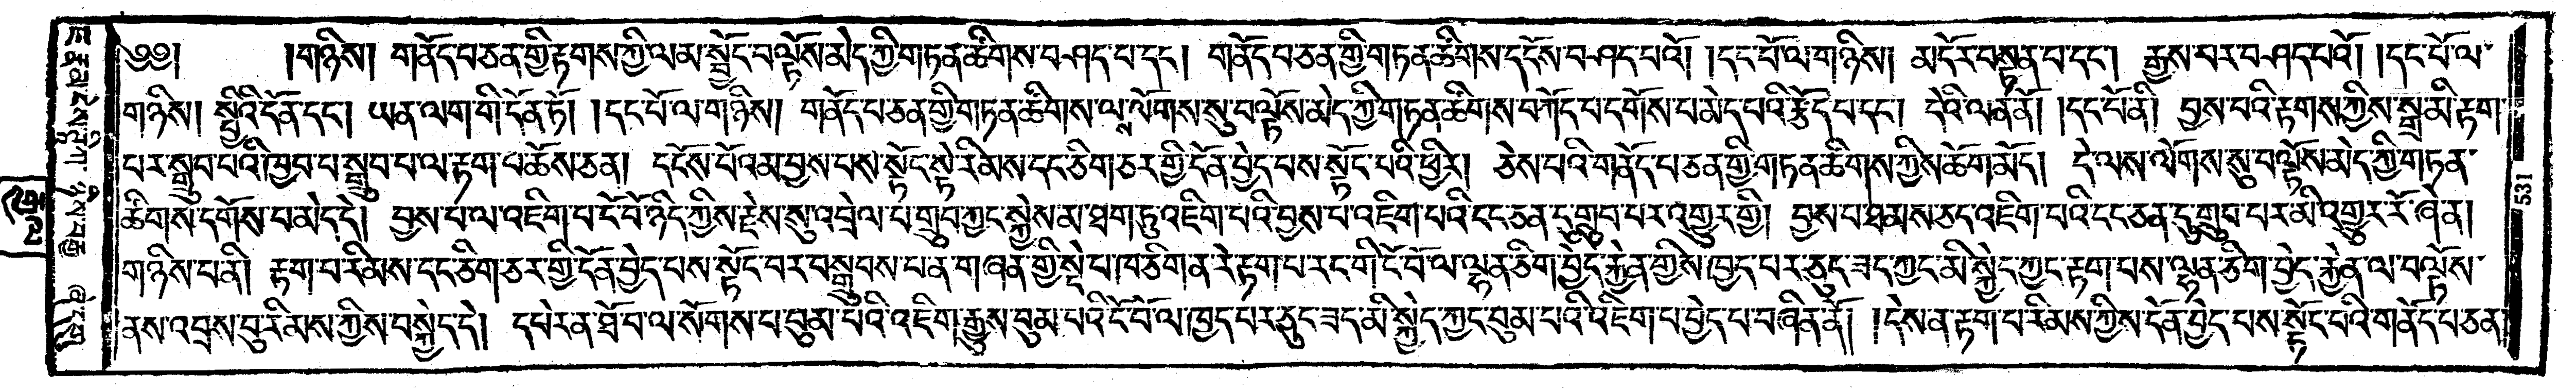༄༅། །གཉིས། གནོད་པ་ཅན་གྱི་རྟགས་ཀྱི་ལམ་སྦྱོང་བལྟོས་མེད་ཀྱི་གཏན་ཚིགས་བཤད་པ་དང་། གནོད་པ་ཅན་གྱི་གཏན་ཚིགས་དངོས་བཤད་པའོ། །དང་པོ་ལ་གཉིས། མདོར་བསྟན་པ་དང་། རྒྱས་པར་བཤད་པའོ། །དང་པོ་ལ་
གཉིས། སྤྱིའི་དོན་དང་། ཡན་ལག་གི་དོན་ཏོ། །དང་པོ་ལ་གཉིས། གནོད་པ་ཅན་གྱི་གཏན་ཚིགས་ལས་ལོགས་སུ་བལྟོས་མེད་ཀྱི་གཏན་ཚིགས་བཀོད་པ་དགོས་པ་མེད་པའི་རྩོད་པ་དང་། དེའི་ལན་ནོ། །དང་པོ་ནི། བྱས་པའི་རྟགས་ཀྱིས་སྒྲ་མི་རྟག་
པར་སྒྲུབ་པའི་ཁྱབ་པ་སྒྲུབ་པ་ལ་རྟག་པ་ཆོས་ཅན། དངོས་པོའམ་བྱས་པས་སྟོང་སྟེ་རིམས་དང་ཅིག་ཅར་གྱི་དོན་བྱེད་པས་སྟོང་པའི་ཕྱིར། ཅེས་པའི་གནོད་པ་ཅན་གྱི་གཏན་ཚིགས་ཀྱིས་ཆོག་མོད། དེ་ལས་ལོགས་སུ་བལྟོས་མེད་ཀྱི་གཏན་
ཚིགས་དགོས་པ་མེད་དེ། བྱས་པ་ལ་འཇིག་པ་ངོ་བོ་ཉིད་ཀྱིས་རྗེས་སུ་འབྲེལ་པ་གྲུབ་ཀྱང་སྐྱེས་མ་ཐག་ཏུ་འཇིག་པའི་བྱས་པ་འཇིག་པའི་ངང་ཅན་དུ་གྲུབ་པར་འགྱུར་གྱི། བྱས་པ་ཐམས་ཅད་འཇིག་པའི་དང་ཅན་དུ་གྲུབ་པར་མི་འགྱུར་རོ་ཞེ་ན།
གཉིས་པ་ནི། རྟག་པ་རིམས་དང་ཅིག་ཅར་གྱི་དོན་བྱེད་པས་སྟོང་བར་བསྒྲུབས་པ་ན་གཞན་གྱི་སྡེ་པ་ཁ་ཅིག་ན་རེ་རྟག་པ་རང་གི་ངོ་བོ་ལ་ལྷན་ཅིག་བྱེད་རྐྱེན་གྱིས་ཁྱད་པར་ཅུང་ཟད་ཀྱང་མི་སྐྱེད་ཀྱང་རྟག་པས་ལྷན་ཅིག་བྱེད་རྐྱེན་ལ་བལྟོས་
ནས་འབྲས་བུ་རིམས་ཀྱིས་བསྐྱེད་དེ། དཔེར་ན་ཐོ་བ་ལ་སོགས་པ་བུམ་པའི་འཇིག་རྒྱུས་བུམ་པའི་ངོ་བོ་ལ་ཁྱད་པར་ཅུང་ཟད་མི་སྐྱེད་ཀྱང་བུམ་པའི་འཇིག་པ་བྱེད་པ་བཞིན་ནོ། །དེས་ན་རྟག་པ་རིམས་ཀྱིས་དོན་བྱེད་པས་སྟོང་བའི་གནོད་པ་ཅན་